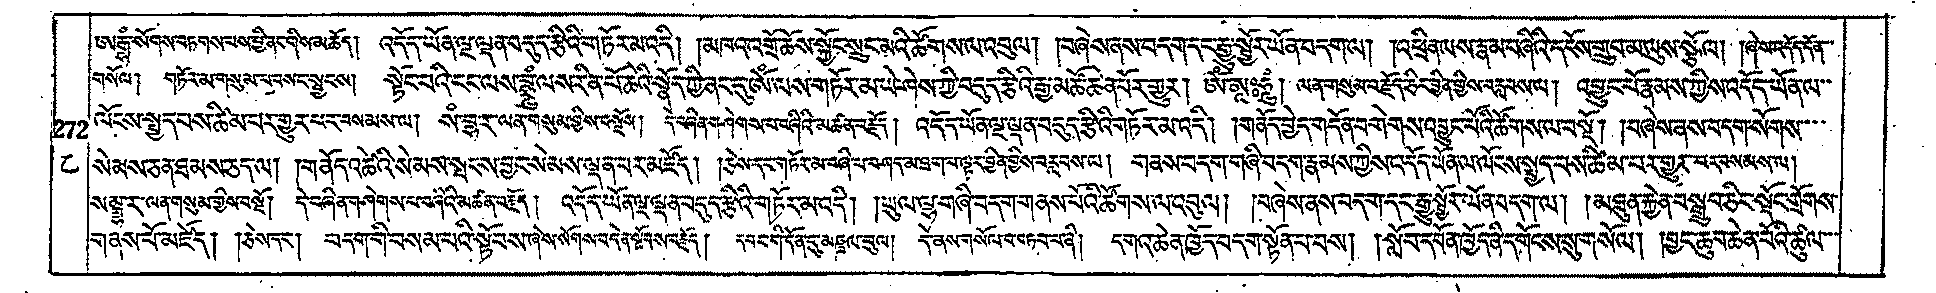ཨརྒྷཾ་སོགས་བཏགས་པས་ཕྱི་ནང་གིས་མཆོད།  འདོད་ཡོན་ལྔ་ལྡན་བདུད་རྩིའི་གཏོར་མ་འདི། །མཁའ་འགྲོ་ཆོས་སྐྱོང་སྲུང་མའི་ཚོགས་ལ་འབུལ། །བཞེས་ནས་བདག་དང་རྒྱུ་སྦྱོར་ཡོན་བདག་ལ། །འཕྲིན་ལས་རྣམ་བཞིའི་དངོས་གྲུབ་མ་ལུས་སྩོལ། །ཞེས་འདོད་དོན་་་
གསོལ། གཏོར་མ་གསུམ་པ་བསང་སྦྱངས། སྟོང་པའི་ངང་ལས་བྷྲཱུཾ་ལས་རིན་པོ་ཆེའི་སྣོད་ཀྱི་ནང་དུ་ཨོཾ་ལས་གཏོར་མ་ཡེ་ཤེས་ཀྱི་བདུད་རྩིའི་རྒྱ་མཚོ་ཆེན་པོར་གྱུར། ཨོཾ་ཨཱཿཧཱུཾ། ལན་གསུམ་བརྗོད་ཅིང་བྱིན་གྱིས་བརླབས་ལ།  འབྱུང་པོ་རྣམས་ཀྱིས་འདོད་ཡོན་ལ་་་
ལོངས་སྤྱད་པས་ཚིམ་པར་གྱུར་པར་བསམས་ལ།  སཾ་བྷ་ར་ལན་གསུམ་གྱིས་བསྔོས། དེ་བཞིན་གཤེགས་པ་བཞིའི་མཚན་བརྗོད།  འདོད་ཡོན་ལྔ་ལྡན་བདུད་རྩིའི་གཏོར་མ་འདི། །གནོད་བྱེད་གདོན་བགེགས་འབྱུང་པོའི་ཚོགས་ལ་བསྔོ། །བཞེས་ནས་བདག་སོགས་་་
སེམས་ཅན་ཐམས་ཅད་ལ། །གནོད་འཚེའི་སེམས་སྤངས་བྱང་སེམས་ལྡན་པར་མཛོད། །ཅེས་དང་གཏོར་མ་བཞི་པ་བཤད་མ་ཐག་པ་ལྟར་བྱིན་གྱིས་བརླབས་ལ།  གནས་བདག་གཞི་བདག་རྣམས་ཀྱིས་འདོད་ཡོན་ལ་ལོངས་སྤྱད་པས་ཚིམ་པར་གྱུར་པར་བསམས་ལ།
སམགྷ་ར་ལན་གསུམ་གྱིས་བསྔོ། དེ་བཞིན་གཤེགས་པ་བཞིའི་མཚན་བརྗོད། འདོད་ཡོན་ལྔ་ལྡན་བདུད་རྩིའི་གཏོར་མ་འདི། །ཡུལ་ལྷ་གཞི་བདག་གནས་པོའི་ཚོགས་ལ་འབུལ། །བཞེས་ནས་བདག་དང་རྒྱུ་སྦྱོར་ཡོན་བདག་ལ། །མཐུན་རྐྱེན་བསྒྲུབ་ཅིང་སྡོང་གྲོགས་
གནས་པོ་མཛོད། །ཅེས་དང་།  བདག་གི་བསམ་པའི་སྟོབས་ཞེས་སོགས་བདེན་སྟོབས་བརྗོད། དབང་གི་དོན་དུ་མཎྜལ་ཕུལ། དེ་ནས་གསོལ་བ་བཏབ་པ་ནི།  དགའ་ཆེན་ཁྱོད་བདག་སྟོན་པ་བས། །སློབ་དཔོན་ཁྱོད་ནི་དགོངས་སུ་གསོལ། །བྱང་ཆུབ་ཆེན་པོའི་ཚུལ་་་